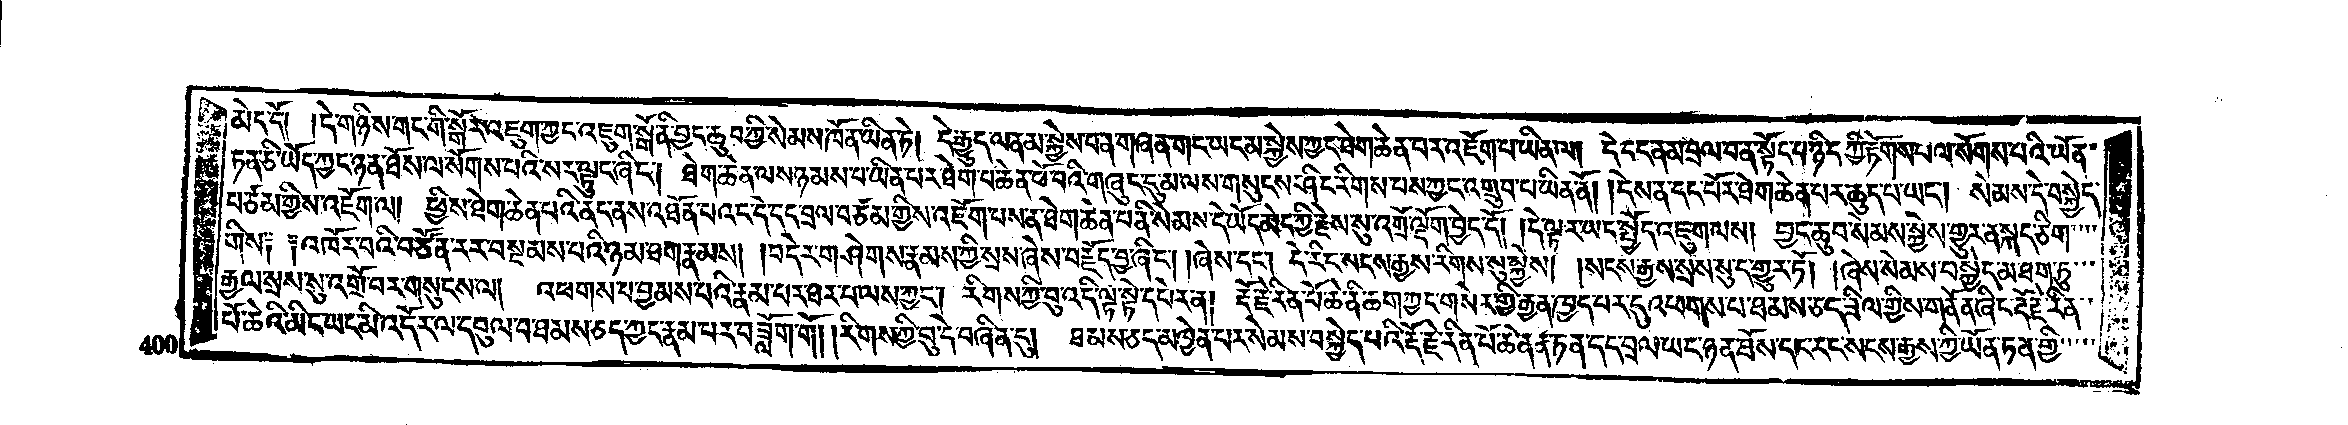མེད་དོ། །དེ་གཉིས་གང་གི་སྒོར་འཇུག་ཀྱང་འཇུག་སྒོ་ནི་བྱང་ཆུབ་ཀྱི་སེམས་ཁོ་ན་ཡིན་ཏེ། དེ་རྒྱུད་ལ་ནམ་སྐྱེས་པ་ན་གཞན་གང་ཡང་མ་སྐྱེས་ཀྱང་ཐེག་ཆེན་པར་འཇོག་པ་ཡིན་ལ། དེ་དང་ནམ་བྲལ་བ་ན་སྟོང་པ་ཉིད་ཀྱི་རྟོགས་པ་ལ་སོགས་པའི་ཡོན་
ཏན་ཅི་ཡོད་ཀྱང་ཉན་ཐོས་ལ་སོགས་པའི་སར་ལྟུང་ཞིང་། ཐེག་ཆེན་ལས་ཉམས་པ་ཡིན་པར་ཐེག་པ་ཆེན་པོ་པའི་གཞུང་དུ་མ་ལས་གསུངས་ཤིང་རིགས་པས་ཀྱང་འགྲུབ་པ་ཡིན་ནོ། །དེས་ན་དང་པོར་ཐེག་ཆེན་པར་ཆུད་པ་ཡང་། སེམས་དེ་བསྐྱེད་
པ་ཙམ་གྱིས་འཇོག་ལ། ཕྱིས་ཐེག་ཆེན་པའི་ནང་ནས་འཐོན་པའང་དེ་དང་བྲལ་བ་ཙམ་གྱིས་འཇོག་པས་ན་ཐེག་ཆེན་པ་ནི་སེམས་དེ་ཡོད་མེད་ཀྱི་རྗེས་སུ་འགྲོ་ལྡོག་བྱེད་དོ། །དེ་ལྟར་ཡང་སྤྱོད་འཇུག་ལས། བྱང་ཆུབ་སེམས་སྐྱེས་གྱུར་ན་སྐད་ཅིག་
གིས༑ ༑འཁོར་བའི་བཙོན་རར་བསྡམས་པའི་ཉམ་ཐག་རྣམས། །བདེར་གཤེགས་རྣམས་ཀྱི་སྲས་ཞེས་བརྗོད་བྱ་ཞིང་། །ཞེས་དང་། དེ་རིང་སངས་རྒྱས་རིགས་སུ་སྐྱེས། །སངས་རྒྱས་སྲས་སུ་དགྱུར་ཏོ། །ཞེས་སེམས་བསྐྱེད་མ་ཐག་ཏུ་
རྒྱལ་སྲས་སུ་འགྲོ་བར་གསུངས་ལ། འཕགས་པ་བྱམས་པའི་རྣམ་པར་ཐར་པ་ལས་ཀྱང་། རིགས་ཀྱི་བུ་འདི་ལྟ་སྟེ་དཔེར་ན། རྡོ་རྗེ་རིན་པོ་ཆེ་ནི་ཆག་ཀྱང་གསེར་གྱི་རྒྱན་ཁྱད་པར་དུ་འཕགས་པ་ཐམས་ཅད་ཟིལ་གྱིས་གནོན་ཞིང་རྡོ་རྗེ་རིན་
པོ་ཆེའི་མིང་ཡང་མི་འདོར་ལ་དབུལ་བ་ཐམས་ཅད་ཀྱང་རྣམ་པར་བཟློག་གོ། །རིགས་ཀྱི་བུ་དེ་བཞིན་དུ། །ཐམས་ཅད་མཁྱེན་པར་སེམས་བསྐྱེད་པའི་རྡོ་རྗེ་རིན་པོ་ཆེ་ནན་ཏན་དང་བྲལ་ཡང་ཉན་ཐོས་དང་རང་སངས་རྒྱས་ཀྱི་ཡོན་ཏན་གྱི་